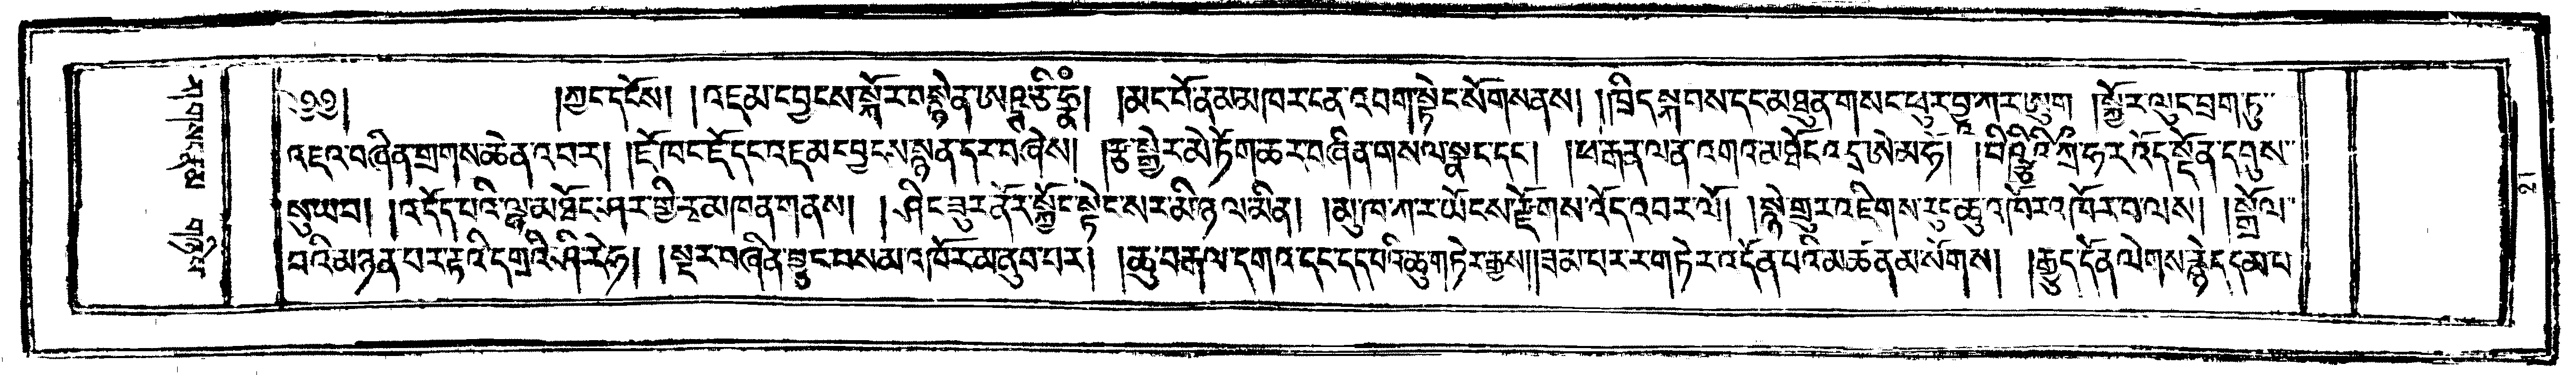༄༅། །ཀྱང་དངོས། །འཇམ་དབྱངས་སྐོར་བསྙེན་ཨཥྚ་ཅི་ཧྣཾ། །མང་པོ་ནམ་མཁར་ངན་འབག་སྟེང་སོགས་ནས། །ཁྲིད་སྐབས་དང་མཐུན་གསང་ཕུར་བྱཱ་ཀ་ར་ཨུག །སྐྱོར་ལུང་བྲག་ཏུ་
འཇའ་བཞིན་གྲགས་ཆེན་འབར། །ཇོ་ཁང་ཇོ་དང་འཇམ་དབྱངས་སྙན་དར་བཞེས། །རྩ་སྒྱེར་མེ་ཏོག་ཆར་བཞིན་གསལ་སྣང་དང་། །ཕ་རྒན་ལན་འགའ་མཐོང་འདྲ་ཨེ་མ་ཧོ། །བིཥྩིའི་ཀྲྀ་ཧ་ར་འོད་སྡོན་དབུས་
སུ་ཡབ། །འདོད་པའི་ལྷ་མཐོང་ཤར་གྱི་རྭ་མཁན་གནས། །ཤིང་ཟུར་ནོར་སྐྱོང་སྟེང་སར་མི་ཉལ་མིན། །མུ་ཁ་ཀ་ར་ཡོངས་རྫོགས་འོད་འབར་ལོ། །སྙེ་གྲུར་འཇིགས་རུང་ཆུ་འཁོར་འཁོར་བ་ལས། །སྒྲོལ་
བའི་མཉན་པར་རྟའི་དགྲའི་ཤི་རེ་ཧ། །སྔར་བཞིན་ཟུང་བསམ་འཁོར་མ་ནུབ་པར། །ཆུ་བརྒལ་དགའ་དང་དད་པའི་ཆུ་གཏེར་རྒྱས། །ཟམ་པར་ར་གཏེར་འདོན་པའི་མཚན་མ་སོགས། །རྒྱུད་དོན་ལེགས་རྙེད་དམ་པ་